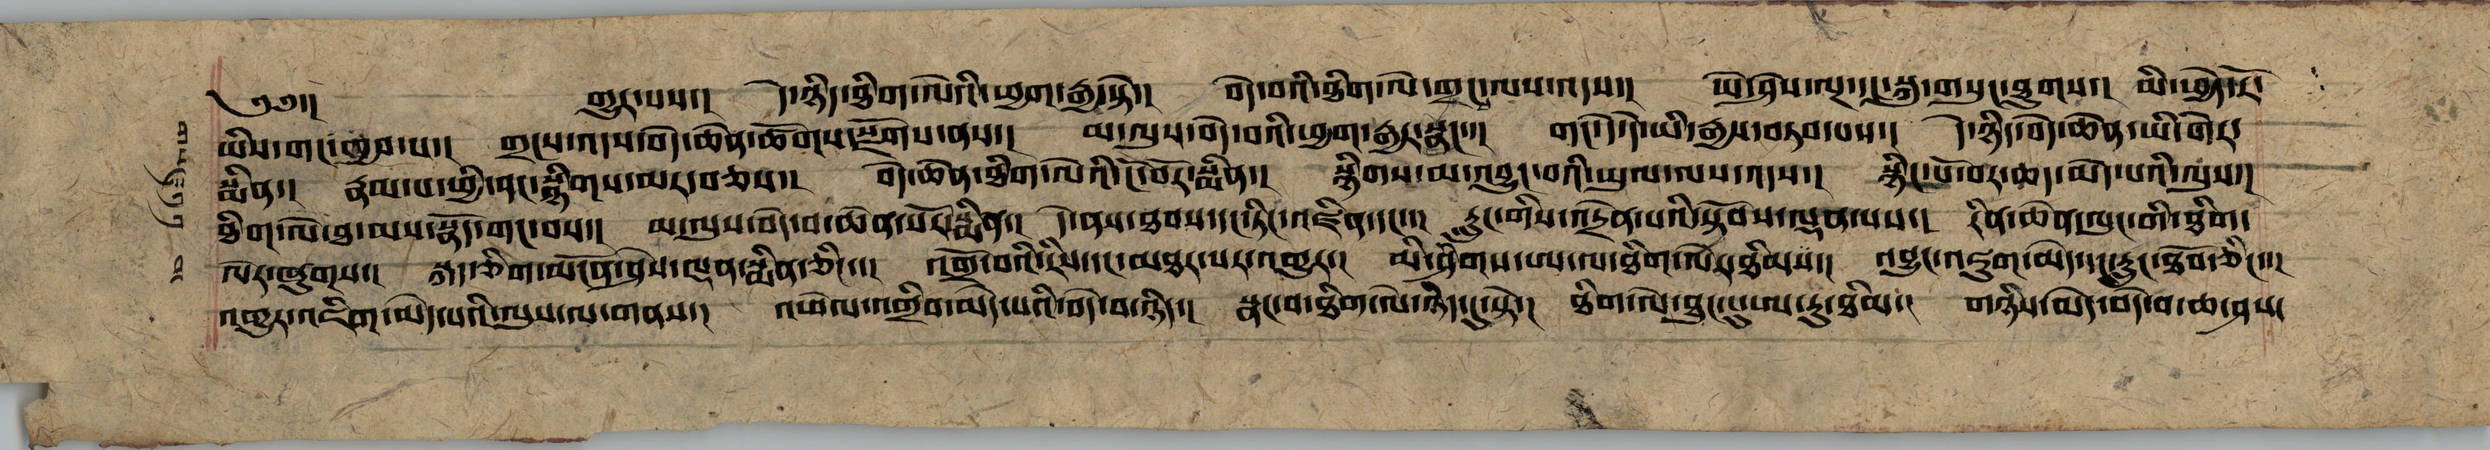༄༅་། གྱུར་པས་། དེ་ཉིད་ཐིག་ལེའི་ཕྱག་རྒྱ་སྟེ་། བདེ་བའི་ཐིག་ལེ་གྲང་ལས་འདས་། ཡེ་ཤེས་ལྔ་དང་སྐུ་གསུང་ཐུགས་། མི་ཕྱེད་རོ་
ཡིས་གང་ཁྱབ་པ་། གྲངས་འདས་བདེ་ཆེན་ཚོགས་སྫོགས་ནས་། མ་ལུས་བདེ་བའི་ཕྱག་རྒྱར་སྣང་་། གང་དེ་དེ་ཡི་རྒྱས་བཏབ་པས་། དེ་ཉིད་བདེ་ཆེན་ཡི་གེར་
སྨིན་། རྣམ་པ་ཕྱི་ནང་སྙིགས་མར་བཅས་། བདེ་ཆེན་ཐིག་ལེའི་ངོ་བོར་སྨིན་། སྙིགས་མ་འབྱུང་བའི་ཡུལ་ལས་འདས་། སྙིང་པོ་བར་ཆད་མེད་པའི་ལུས་།
ཐིག་ལེ་ཐ་མས་སྣོད་གང་བས་། མ་ལུས་བདེ་བ་ཆེན་པོར་སྨིན་། དེ་ནས་ཐབས་དང་ཏིང་འཛིན་དང་་། རླུང་གིས་འདྲེན་པའི་སྟོབས་ལྡན་པས་། རིན་ཆེན་ལུང་གི་ཐིག་
ལེར་ཞུགས་། སྐད་ཅིག་མངོན་ཤེས་ལྡན་སྨིན་ཅིང་་། འགྲོ་བའི་རིས་དང་མཐར་སར་འགྱུར་། མི་ཤིགས་ཨ་ལ་ཐིག་ལེར་ཐིམས་། འབྱུང་འཇུག་མེད་དང་རླུང་ཐོབ་ཅིང་་།
འགྱུར་འཇིག་མེད་པའི་ལུས་ལ་གནས་། འཕེལ་འགྲིབ་མེད་པའི་བདེ་བ་ཉིད་། སྣང་བ་ཐིག་ལེ་ཉིད་དུ་སྟེ་། ཐིག་ལེ་ཐུང་ངུ་ཨ་རུ་ཐིམ་། གཉིས་མེད་བདེ་བ་ཆ་ཤས་